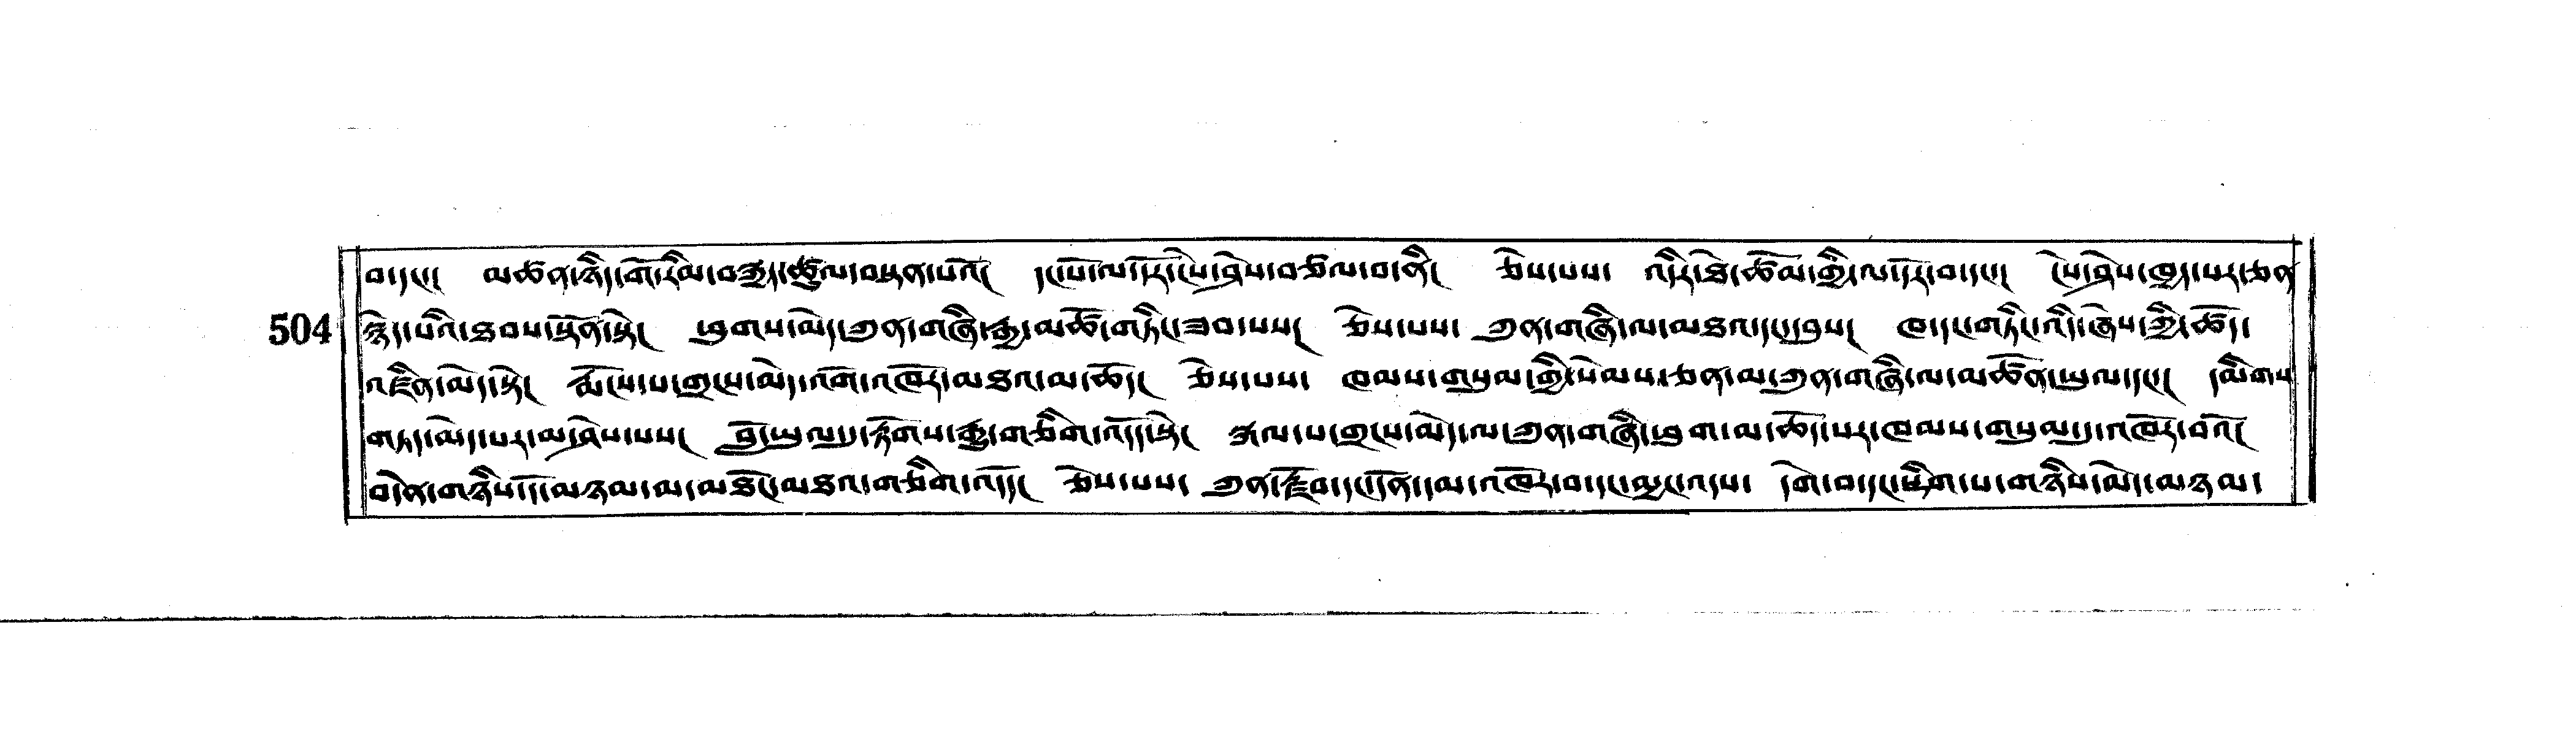བ་དང་། མཚན་ཉིད་གོ་རིམ་བསྐྱེད་ཚུལ་བསྟན་པའོ། དང་པོ་ལ་དོར་ངེས་ཤེས་བཙལ་བ་ནི། ཅེས་པས། འདིར་ཐེ་ཚོམ་གྱི་ལ་དོར་བ་དང་། ངེས་ཤེས་ཁྱད་པར་ཅན་
རྙེད་པའི་ཐབས་སྟོན་ཏེ། ཕུགས་མེད་ཀུན་གཞི་རྒྱ་མཚོ་གཏིང་ཟབ་པས། ཅེས་པས། ཀུན་གཞི་ལ་མཐའ་དང་དབུས། ཁ་དང་གཏིང་འདི་ཞེས་ཀྱི་ཚོད་
འཛིན་མེད་དེ། རྨོངས་པ་གྲངས་མེད་འགོ་འཁོར་མཐའ་མ་ཆོད། ཅེས་པས། ཁམས་གསུམ་གྱི་སེམས་ཅན་མ་ཀུན་གཞི་ལ་མཚོན་ཡུལ་དང་། དམིགས་
གཏད་མེད་པར་མ་ཤེས་པས། བློ་ཡུལ་དུ་རྟོགས་རྒྱུ་གཅིག་འདོད་དེ། བསྐལ་པ་གྲངས་མེད་ལ་ཀུན་གཞི་ཕུགས་མ་ཆོད་པར་ཁམས་གསུམ་དུ་འཁོར་བའོ། 
བདེན་གཉིས་དོ་མཉམ་མ་མཐོང་མཐའ་གཅིག་འདོད། ཅེས་པས། ཀུན་རྫོབ་དང་དོན་དམ་འཁོར་བ་དང་མྱང་འདས། དགེ་བ་དང་སྡིག་པ་གཉིས་མེད་མཉམ་